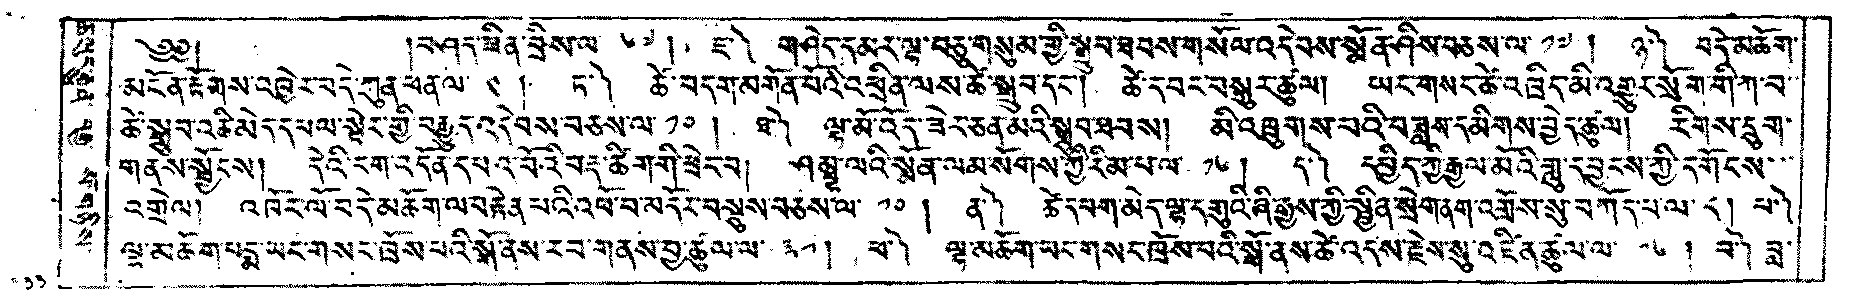༄༅། །བཤད་ཟིན་བྲིས་ལ ༦༧། ཇ྄་གཤེད་དམར་ལྷ་བཅུ་གསུམ་གྱི་སྒྲུབ་ཐབས་གསོལ་འདེབས་སྨོན་ཤིས་བཅས་ལ ༡༧། ཉ྄་བདེ་མཆོག་
མངོན་རྟོགས་འཁྱེར་བདེ་ཀུན་ཕན་ལ ༤། ཏ྄་ཚེ་བདག་མགོན་པོའི་འཕྲིན་ལས་ཚེ་སྒྲུབ་དང་། ཚེ་དབང་བསྐུར་ཚུལ། ཡང་གསང་ཚེ་འཁྲིད་མི་འགྱུར་སྲོག་གི་ཀ་བ་
ཚེ་སྒྲུབ་འཆི་མེད་དཔལ་སྟེར་གྱི་བརྒྱུད་འདེབས་བཅས་ལ ༡༠། ཐ྄་ལྷ་མོ་འོད་ཟེར་ཅན་མའི་སྒྲུབ་ཐབས། མི་འཁྲུགས་པའི་བཟླས་དམིགས་བྱེད་ཚུལ། རིགས་དྲུག་
གནས་སྦྱོངས། དེའི་ངག་འདོན་དཔའ་བོའི་བརྡ་ཚིག་གི་ཕྲེང་བ། ཤམྦྷ་ལའི་སྨོན་ལམ་སོགས་ཀྱི་རིམ་པ་ལ ༡༦། ད྄་དཔྱིད་ཀྱི་རྒྱལ་མོའི་གླུ་དབྱངས་ཀྱི་དགོངས་
འགྲེལ། འཁོར་ལོ་བདེ་མཆོག་ལ་བརྟེན་པའི་འཕོ་བ་མདོར་བསྡུས་བཅས་ལ ༡༠། ན྄་ཚེ་དཔག་མེད་ལྷ་དགུའི་ཞི་རྒྱས་ཀྱི་སྦྱིན་སྲེག་ནག་འགྲོས་སུ་བཀོད་པ་ལ ༨། པ྄
ལྷ་མཆོག་པདམ་ཡང་གསང་ཁྲོས་པའི་སྒོ་ནས་རབ་གནས་བྱ་ཚུལ་ལ ༣༡། ཕ྄་ལྷ་མཆོག་ཡང་གསང་ཁྲོས་པའི་སྒོ་ནས་ཚེ་འདས་རྗེས་སུ་འཛིན་ཚུལ་ལ ༡༦། བ྄་བླ་